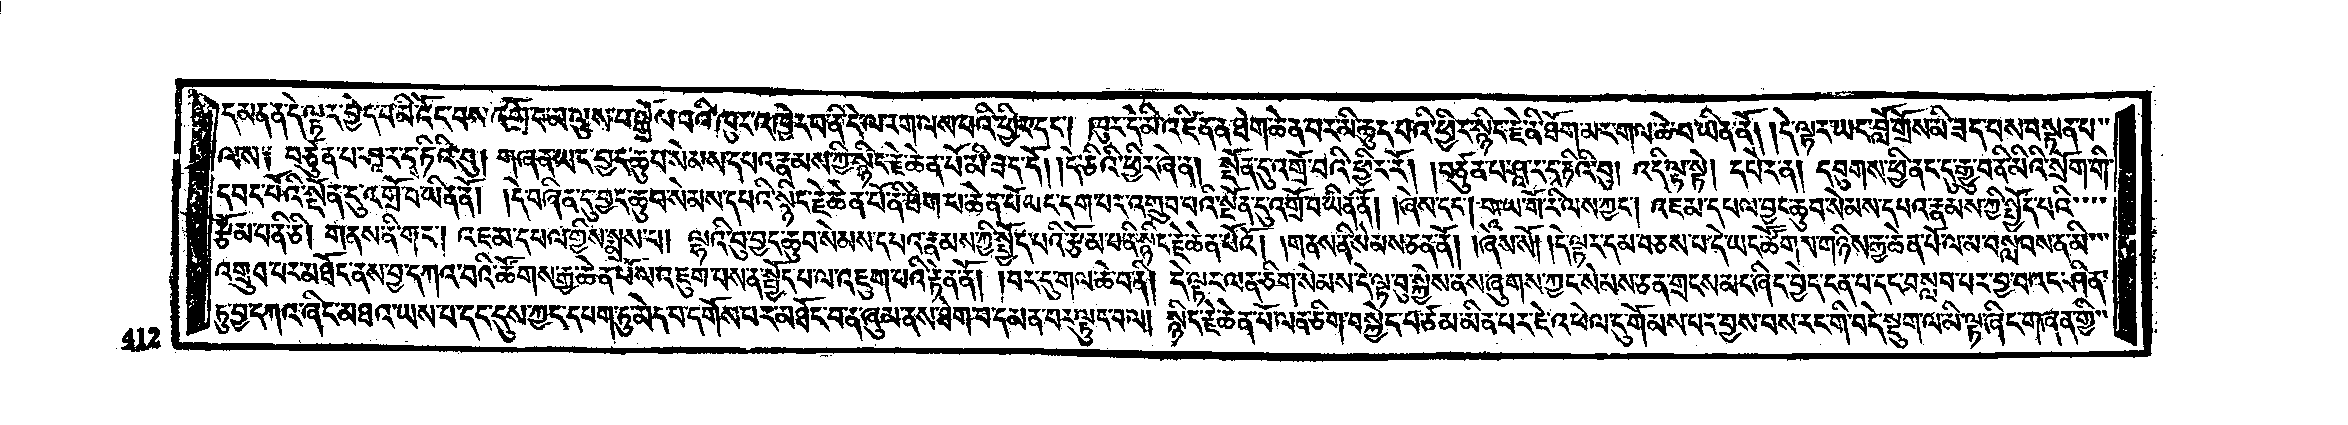དམན་ན་དེ་ལྟར་བྱེད་པ་མི་འོང་བས་འགྲོ་བ་མ་ལུས་པ་སྒྲོལ་བའི་ཁུར་འཁྱེར་བ་ནི་དེ་ལ་རག་ལས་པའི་ཕྱིར་དང་། ཁུར་དེ་མི་འཛིན་ན་ཐེག་ཆེན་པར་མི་ཆུད་པའི་ཕྱིར་སྙིང་རྗེ་ནི་ཐོག་མར་གལ་ཆེ་བ་ཡིན་ནོ། །དེ་ལྟར་ཡང་བློ་གྲོས་མི་ཟད་པས་བསྟན་པ་
ལས༑ བཙུན་པ་ཤཱ་ར་དྭ་ཏིའི་བུ། གཞན་ཡང་བྱང་ཆུབ་སེམས་དཔའ་རྣམས་ཀྱི་སྙིང་རྗེ་ཆེན་པོ་མི་ཟད་དོ། །དེ་ཅིའི་ཕྱིར་ཞེ་ན། སྔོན་དུ་འགྲོ་བའི་ཕྱིར་རོ། །བཙུན་པ་ཤཱ་ར་དྭ་ཏིའི་བུ། འདི་ལྟ་སྟེ། དཔེར་ན། དབུགས་ཕྱི་ནང་དུ་རྒྱུ་བ་ནི་མིའི་སྲོག་གི་
དབང་པོའི་སྔོན་དུ་འགྲོ་བ་ཡིན་ནོ། །དེ་བཞིན་དུ་བྱང་ཆུབ་སེམས་དཔའི་སྙིང་རྗེ་ཆེན་པོ་ནི་ཐེག་པ་ཆེན་པོ་ཡང་དག་པར་འགྲུབ་པའི་སྔོན་དུ་འགྲོ་བ་ཡིན་ནོ། །ཞེས་དང་། གཱ་ཡ་གཽ་རི་ལས་ཀྱང་། འཇམ་དཔལ་བྱང་ཆུབ་སེམས་དཔའ་རྣམས་ཀྱི་སྤྱོད་པའི་
རྩོམ་པ་ནི་ཅི། གནས་ནི་གང་། འཇམ་དཔལ་གྱིས་སྨྲས་པ། ལྷའི་བུ་བྱང་ཆུབ་སེམས་དཔའ་རྣམས་ཀྱི་སྤྱོད་པའི་རྩོམ་པ་ནི་སྙིང་རྗེ་ཆེན་པོའོ། །གནས་ནི་སེམས་ཅན་ནོ། །ཞེས་སོ། །དེ་ལྟར་དམ་བཅས་པ་དེ་ཡང་ཚོགས་གཉིས་རྒྱ་ཆེན་པོ་ལ་མ་?་བསླབས་ན་མི་
འགྲུབ་པར་མཐོང་ནས་བྱ་དཀའ་བའི་ཚོགས་རྒྱ་ཆེན་པོ་ལ་འཇུག་པས་ན་སྤྱོད་པ་ལ་འཇུག་པའི་རྟེན་ནོ། །བར་དུ་གལ་ཆེ་བ་ནི། དེ་ལྟར་ལན་ཅིག་སེམས་དེ་ལྟ་བུ་སྐྱེས་ནས་ཞུགས་ཀྱང་སེམས་ཅན་གྲངས་མང་ཞིང་བྱེད་ངན་པ་དང་བསླབ་པར་བྱ་བའང་ཤིན་
ཏུ་བྱ་དཀའ་ཞིང་མཐའ་ཡས་པ་དང་དུས་ཀྱང་དཔག་ཏུ་མེད་པ་དགོས་པར་མཐོང་བ་ན་ཞུམ་ནས་ཐེག་པ་དམན་པར་ལྟུང་བ་ལ། སྙིང་རྗེ་ཆེན་པོ་ལན་ཅིག་བསྐྱེད་པ་ཙམ་མིན་པར་ཇེ་འཕེལ་དུ་གོམས་པར་བྱས་པས་རང་གི་བདེ་སྡུག་ལ་མི་ལྟ་ཞིང་གཞན་གྱི་